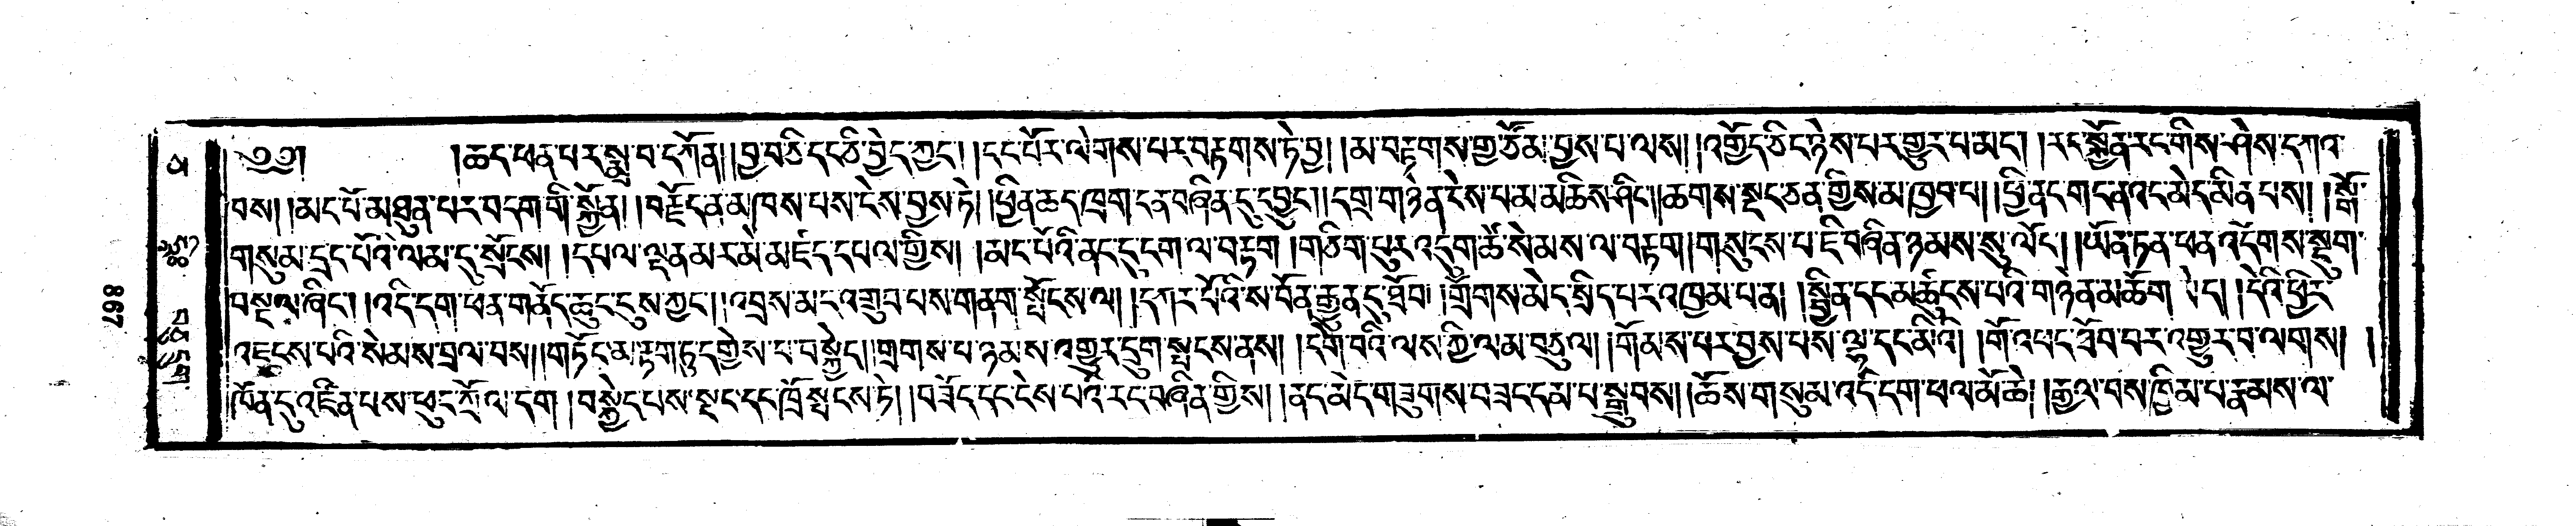༄༅། །ཆད་ཕན་པར་སྨྲ་བ་དཀོན། །བྱ་བ་ཅི་དང་ཅི་བྱེད་ཀྱང་། །དང་པོར་ལེགས་པར་བརྟགས་ཏེ་བྱ། །མ་བརྟགས་གྱ་ཙོམ་བྱས་པ་ལས། །འགྱོད་ཅིང་ཉེས་པར་གྱུར་པ་མེད། །རང་སྐྱོང་རང་གིས་ཤེས་དཀའ་
བས། །མང་པོ་མཐུན་པར་བདག་གི་སྐྱོན། །བརྗོད་ན་མཁས་པས་ངེས་བྱས་ཏེ། །ཕྱིན་ཆད་ཁྲག་ངན་བཞིན་དུ་དབྱུང་། །དགྲ་གཉེན་ངེས་པ་མ་མཆིས་ཤིང་། །ཆགས་སྡང་ཅན་གྱིས་མ་ཁྱབ་པ། །ཕྱི་ནང་གང་ནའང་མེད་མིན་པས། །སྒོ་
གསུམ་དྲང་པོའི་ལམ་དུ་སྲོངས། །དཔལ་ལྡན་མར་མེ་མཛད་དཔལ་གྱིས། །མང་པོའི་ནང་དུ་ངག་ལ་བརྟག །གཅིག་པུར་འདུག་ཚེ་སེམས་ལ་བརྟག །གསུངས་པ་ཇི་བཞིན་ཉམས་སུ་ལོང་། །ཡོན་ཏན་ཕན་འདོགས་སྡུག་
བསྔལ་ཞིན། །འདི་དག་ཕན་གནོད་ཆུང་ངུས་ཀྱང་། །འབྲས་མང་འགྲུབ་པས་གནག་སྤོངས་ལ། །དཀར་པོའི་ས་བོན་རྒྱུན་དུ་ཐོབ། །གྲོགས་མེད་སྲིད་པར་འཁྱམ་པ་ན། །སྦྱིན་དང་མཚུངས་པའི་གཉེན་མཆོག་མེད། །དེའི་ཕྱིར་
འཇུངས་པའི་སེམས་བྲལ་བས། །གཏོར་མ་རྟག་ཏུ་དགྱེས་པ་བསྐྱེད། །གྲགས་པ་ཉམས་འགྱུར་དྲུག་སྤངས་ནས། །དགེ་བའི་ལས་ཀྱི་ལམ་བཅུ་ལ། །གོམས་པར་བྱས་པས་ལྷ་དང་མིའི། །གོ་འཕང་ཐོབ་པར་འགྱུར་བ་ལགས། །
ཁོན་དུ་འཛིན་པས་ཕུང་ཀྲོལ་དག །བསྐྱེད་པས་སྡང་དང་ཁྲོ་སྤངས་ཏེ། །བཟོད་དང་ངེ་པའི་རང་བཞིན་གྱིས། །ནད་མེད་གཟུགས་བཟང་ངམ་པ་སྒྲུབས། །ཆོས་གསུམ་འདི་དག་ཕལ་མོ་ཆེ། །རྒྱལ་བས་ཁྱིམ་པ་རྣམས་ལ་